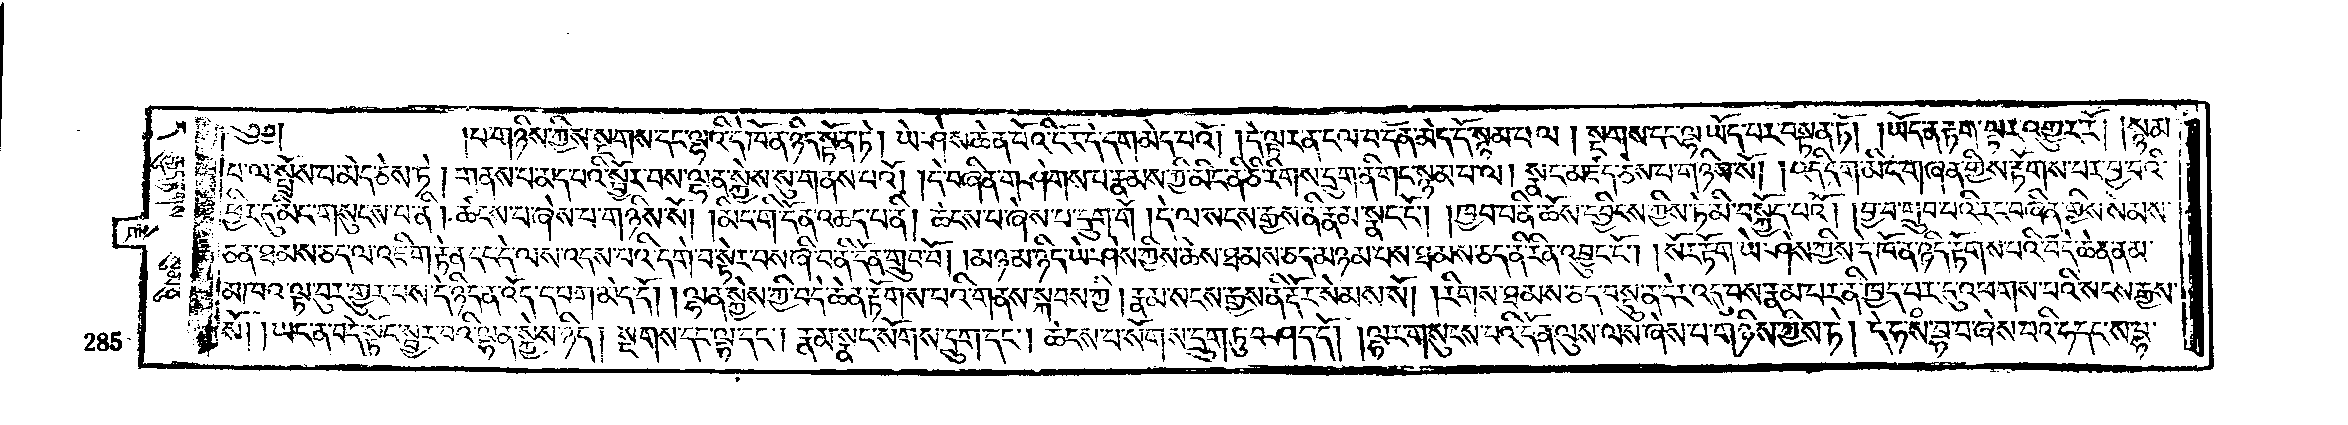༄༅། །པ་གཉིས་ཀྱིས་སྔགས་དང་ལྷའི་དེ་ཁོ་ན་ཉིད་སྟོན་ཏེ། ཡེ་ཤེས་ཆེན་པོའི་ངོར་དེ་དག་མེད་པའོ། །དེ་ལྟར་ན་ངལ་བ་དོན་མེད་དོ་སྙམ་པ་ལ། སྔགས་དང་ལྷ་ཡོད་པར་བསྟན་ཏོ། །ཡོད་ན་རྟག་ལྟར་འགྱུར་རོ། །སྙམ་
པ་ལ་སྤྲོས་པ་མེད་ཅེས་ཏེ། གནས་པ་མེད་པའི་སྦྱོར་བས་ལྷན་སྐྱེས་སུ་གནས་པའོ། །དེ་བཞིན་གཤེགས་པ་རྣམས་ཀྱི་མིང་ནི་ཅི་རིགས་དྲུག་ནི་གང་སྙམ་པ་ལ། སྣང་མཛད་ཅེས་པ་གཉིས་སོ། །འདི་དག་མིང་གཞན་གྱིས་རྟོགས་པར་བྱ་བའི་
ཕྱིར་དུ་མིང་གསུངས་པ་ནི། ཚངས་པ་ཞེས་པ་གཉིས་སོ། །མིང་གི་དོན་འཆད་པ་ནི། ཚངས་པ་ཞེས་པ་དྲུག་གོ །དེ་ལ་སངས་རྒྱས་ནི་རྣམ་སྣང་ངོ། །ཁྱབ་པ་ནི་ཆོས་དབྱིངས་ཀྱིས་ཏེ་མི་བསྐྱོད་པའོ། །བྱ་བ་གྲུབ་པའི་རང་བཞིན་གྱིས་སེམས་
ཅན་ཐམས་ཅད་ལ་འཇིག་རྟེན་དང་དེ་ལས་འདས་པའི་དགེ་བ་སྟེར་བས་ཞི་བ་ནི་དོན་གྲུབ་བོ། །མཉམ་ཉིད་ཡེ་ཤེས་ཀྱིས་ཆོས་ཐམས་ཅད་མཉམ་པས་ཐམས་ཅད་ནི་རིན་འབྱུང་ངོ། །སོར་རྟོག་ཡེ་ཤེས་ཀྱིས་དེ་ཁོ་ན་ཉིད་རྟོགས་པའི་བདེ་ཆེན་ནམ་
མཁའ་ལྟ་བུར་གྱུར་པས་དེ་ཉིད་ན་འོད་དཔག་མེད་དོ། །ལྷན་སྐྱེས་ཀྱི་བདེ་ཆེན་རྟོགས་པའི་གནས་སྐབས་ཀྱི། རྣམ་སངས་རྒྱས་ནི་རྡོར་སེམས་སོ། །རིགས་ཐམས་ཅད་བསྡུ་ན་དེར་འདུ་བས་རྣམ་པར་ནི་ཁྱད་པར་དུ་འཕགས་པའི་སངས་རྒྱས་
སོ། །ཡང་ན་བདེ་སྟོང་སྦྱར་བའི་ལྷན་སྐྱེས་ཉིད། སྔགས་དང་ལྟ་དང་། རྣམ་སྣང་སོགས་དྲུག་དང་། ཚངས་པ་སོགས་དྲུག་ཏུ་བཤད་དོ། །ལྷར་གསུངས་པའི་དོན་ལུས་ལས་ཞེས་པ་གཉིས་ཀྱིས་ཏེ། དེ་ཧ་སཾ་བྷ་བ་ཞེས་པའི་ཧ་དང་ས་བྷ་